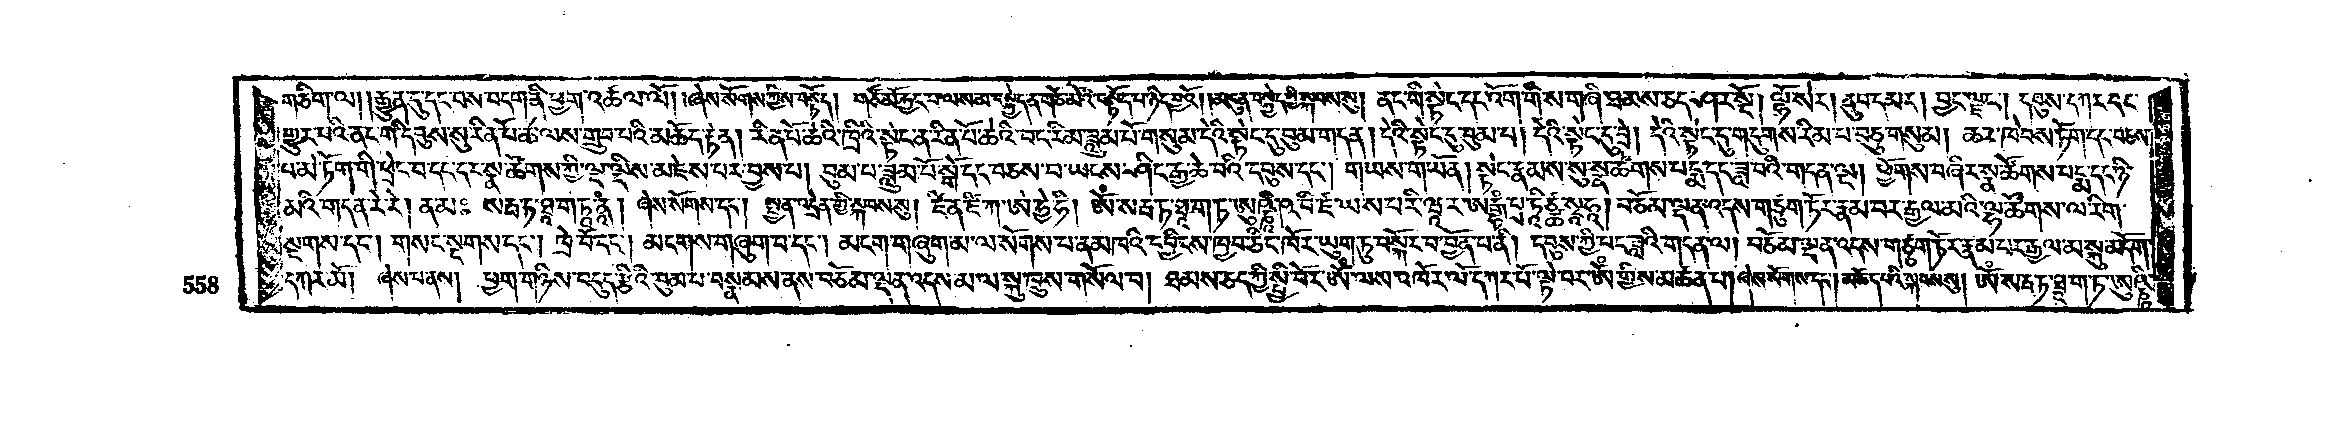གཅིག་ལ། །རྒྱུན་དུ་དང་བས་བདག་ནི་ཕྱག་འཚལ་ལོ། ། ཞེས་སོགས་ཀྱིས་བསྟོད། གཙོ་མོ་རྐྱང་པ་ལས་མ་བསྐྱེད་ན་གཙོ་མོའི་བསྟོད་པ་ཉིད་བྱའོ། །མདུན་བསྐྱེད་ཀྱི་སྐབས་སུ། ནང་གི་སྟེང་དང་འོག་གི་ས་གཞི་ཐམས་ཅད་ཤར་སྔོ། ལྷོ་སེར། ནུབ་དམར། བྱང་ལྗང་། དབུས་དཀར་བར་
གྱུར་པའི་ནང་གི་དབུས་སུ་རིན་པོ་ཆེ་ལས་གྲུབ་པའི་མཆོད་རྟེན། རིན་པོ་ཆེའི་ཁྲིའི་སྟེང་ན་རིན་པོ་ཆེའི་བང་རིམ་ཟླུམ་པོ་གསུམ་དེའི་སྟེང་དུ་བུམ་གདན། དེའི་སྟེང་དུ་བུམ་པ། དེའི་སྟེང་དུ་བྲེ། དེའི་སྟེང་དུ་གདུགས་རིམ་པ་བཅུ་གསུམ། ཆར་ཁེབས་ཏོག་དང་བཅས་
པ་མེ་ཏོག་གི་ཕྲེང་བ་དང་དར་སྣ་ཚོགས་ཀྱི་ལྡ་ལྡིས་མཛེས་པར་བྱས་པ། བུམ་པ་ཟླུམ་པོ་སྒོ་དང་བཅས་པ་ཡངས་ཤིང་རྒྱ་ཆེ་བའི་དབུས་དང་། གཡས་གཡོན། སྟེང་རྣམས་སུ་སྣ་ཚོགས་པདམ་དང་ཟླ་བའི་གདན་ལྔ། ཕྱོགས་བཞིར་སྣ་ཚོགས་པདམ་དང་ཉི་
མའི་གདན་རེ་རེ། ན་མཿ སརྦ་ཏ་ཐཱ་ག་ཏཱ་ནཱཾ། ཞེས་སོགས་དང་། སྤྱན་འདྲེན་གྱི་སྐབས་སུ། ཛི་ན་ཛི་ཀ་ཨེ་ཧྱེ་ཧི། ཨོཾ་སརྦ་ཏ་ཐཱ་ག་ཏ་ཨུཥྞཱི་ཥ་བི་ཛ་ཡ་ས་པ་རི་ཝཱ་ར་ཨརྒྷཾ་པྲ་ཏཱིཙྪ་སྭཱཧཱ། བཅོམ་ལྡན་འདས་གཙུག་ཏོར་རྣམ་པར་རྒལ་མའི་ལྷ་ཚོགས་ལ་རིག་
སྔགས་དང་། གསང་སྔགས་དང་། ཁྲོ་བོ་དང་། མངགས་གཞུག་པ་དང་། མངག་གཞུག་མ་ལ་སོགས་པ་ནམ་མཁའི་དབྱིངས་ཁྱབ་ཅིང་ཁོར་ཡུག་ཏུ་བསྐོར་བ་བྱོན་པ་ནི། དབུས་ཀྱི་པད་ཟླའི་གདན་ལ། བཅོམ་ལྡན་འདས་གཙུག་ཏོར་རྣམ་པར་རྒྱལ་མ་སྐུ་མདོག་
དཀར་མོ། ཞེས་པ་ནས། ཕྱག་གཉིས་བདུད་རྩིའི་བུམ་པ་བསྣམས་ནས་བཅོམ་ལྡན་འདས་མ་ལ་སྐུ་ཁྲུས་གསོལ་བ། ཐམས་ཅད་ཀྱི་སྤྱི་བོར་ཨོཾ་ལས་འཁོར་ལོ་དཀར་པོ་ལྟེ་བར་ཨོཾ་གྱིས་མཚན་པ། ཞེས་སོགས་དང་། མཆོད་པའི་སྐབས་སུ། ཨོཾ་སརྦ་ཏ་ཐཱ་ག་ཏ་ཨུཥྞཱི་